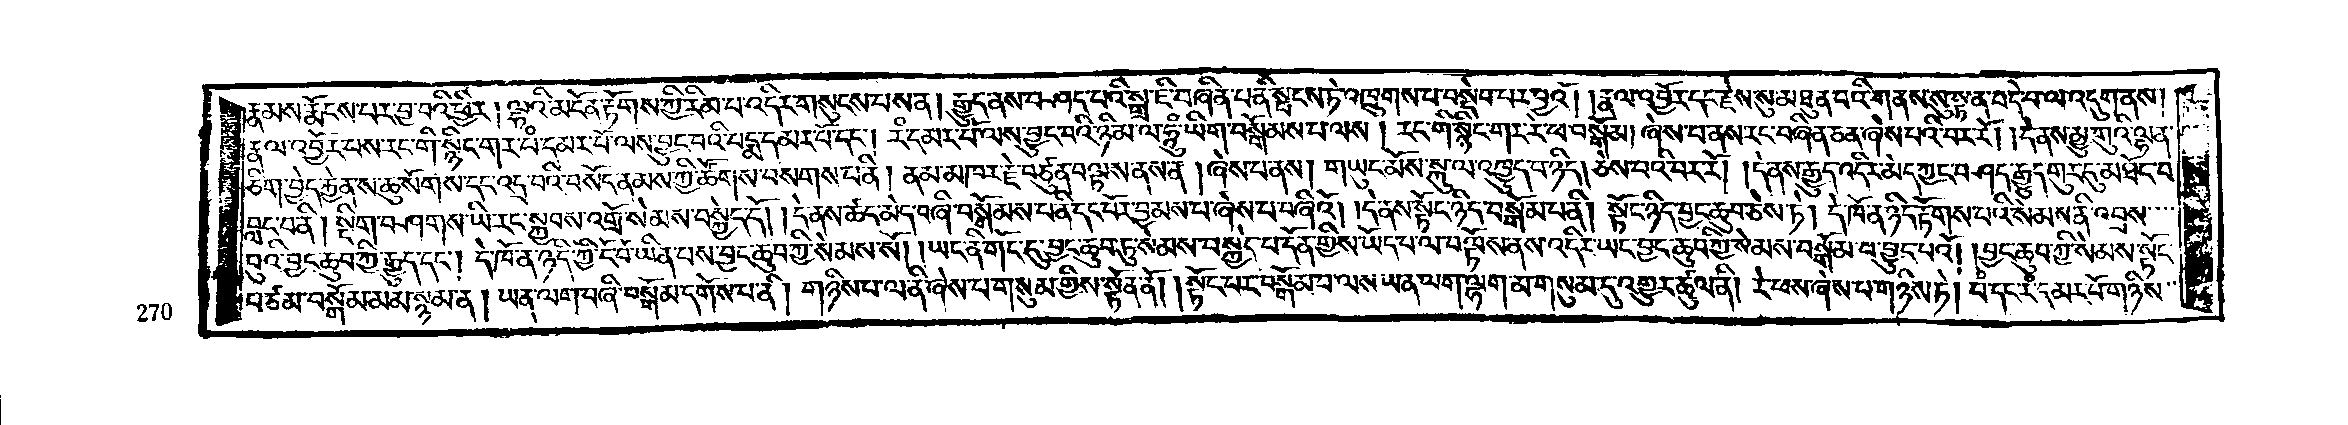རྣམས་རྨོངས་པར་བྱ་བའི་ཕྱིར། ལྷའི་མངོན་རྟོགས་ཀྱི་རིམ་པ་འདིར་གསུངས་པས་ན། རྒྱུད་ནས་བཤད་པའི་སྒྲ་ཇི་བཞིན་པ་ནི་སྤངས་ཏེ་འཁྲུགས་པ་བསྡེབ་པར་བྱའོ། །རྣལ་འབྱོར་དང་རྗེས་སུ་མཐུན་པའི་གནས་སུ་སྟན་བདེ་བ་ལ་འདུག་ནས།
རྣལ་འབྱོར་པས་རང་གི་སྙིང་གར་པཾ་དམར་པོ་ལས་བྱུང་བའི་པདམ་དམར་པོ་དང་། རཾ་དམར་པོ་ལས་བྱུང་བའི་ཉི་མ་ལ་ཧཱུཾ་ཡིག་བསྒོམས་པ་ལས། རང་གི་སྙིང་གར་རེ་ཕ་བསྒོམ། ཞེས་པ་ནས་རང་བཞིན་ཅན་ཞེས་པའི་བར་རོ། །དེ་ནས་མྱུ་གུའི་ལྷན་
ཅིག་བྱེད་རྐྱེན་ས་ཆུ་སོགས་དང་འདྲ་བའི་བསོད་ནམས་ཀྱི་ཚོགས་བསགས་པ་ནི། ནམ་མཁར་རྗེ་བཙུན་བལྟས་ནས་ན། ཞེས་པ་ནས། གཡུང་མོས་སྐུ་ལ་འཁྱུད་པ་ཉིད། ཅེས་པའི་བར་རོ། །དེ་ནས་རྒྱུད་འདིར་མེད་ཀྱང་བཤད་རྒྱུད་གུར་དུ་མཐོང་བ་
བླང་བ་ནི། སྡིག་བཤགས་ཡི་རང་སྐྱབས་འགྲོ་སེམས་བསྐྱེད་དོ། །དེ་ནས་ཚད་མེད་བཞི་བསྒོམས་པ་ནི་དང་པོར་བྱམས་པ་ཞེས་པ་བཞིའོ། །དེ་ནས་སྟོང་ཉིད་བསྒོམ་པ་ནི། སྟོང་ཉིད་བྱང་ཆུབ་ཅེས་ཏེ། དེ་ཁོ་ན་ཉིད་རྟོགས་པའི་སེམས་ནི་འབྲས་
བུའི་བྱང་ཆུབ་ཀྱི་རྒྱུད་དང་། དེ་ཁོ་ན་ཉིད་ཀྱི་ངོ་བོ་ཡིན་པས་བྱང་ཆུབ་ཀྱི་སེམས་སོ། །ཡང་ནི་གོང་དུ་བྱང་ཆུབ་ཏུ་སེམས་བསྐྱེད་པ་དོན་གྱིས་ཡོད་པ་ལ་བལྟོས་ནས་འདིར་ཡང་བྱང་ཆུབ་ཀྱི་སེམས་བསྒོམ་པ་བྱུང་པའོ། །བྱང་ཆུབ་ཀྱི་སེམས་སྟོང་
པ་ཙམ་བསྒོམ་མམ་སྙམ་ན། ཡན་ལག་བཞི་བསྒོམ་དགོས་པ་ནི། གཉིས་པ་ལ་ནི་ཞེས་པ་གསུམ་གྱིས་སྟོན་ནོ། །སྟོང་པར་བསྒོམ་པ་ལས་ཡན་ལག་ལྷག་མ་གསུམ་དུ་འགྱུར་ཚུལ་ནི། རེ་ཕས་ཞེས་པ་གཉིས་ཏེ། པཾ་དང་རཾ་དམར་པོ་གཉིས་